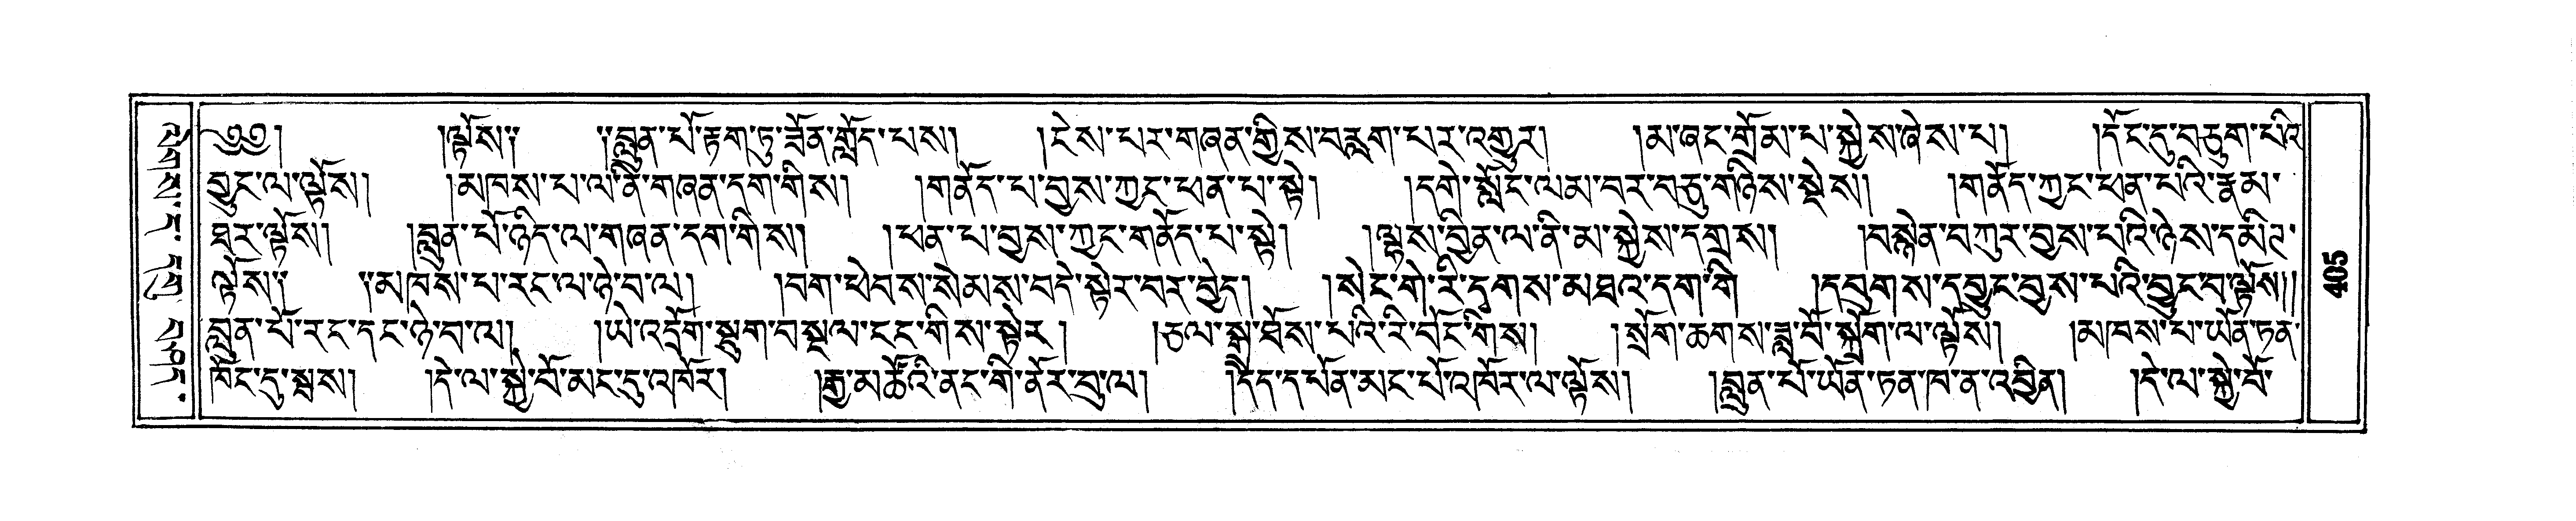༄༅། །ལྟོས༑ ༑བླུན་པོ་རྟག་ཏུ་ཟོན་གློད་པས། །ངེས་པར་གཞན་གྱིས་བརླག་པར་འགྱུར། །མ་ཞང་གྲོམ་པ་སྐྱེས་ཞེས་པ། །དོང་དུ་བཅུག་པའི་
བྱུང་ལ་ལྟོས། །མཁས་པ་ལ་ནི་གཞན་དག་གིས། །གནོད་པ་བྱས་ཀྱང་ཕན་པ་སྟེ། །དགེ་སློང་ལམ་བར་བཅུ་གཉིས་སྡེས། །གནོད་ཀྱང་ཕན་པའི་རྣམ་
ཐར་ལྟོས། །བླུན་པོ་ཉིད་ལ་གཞན་དག་གིས། །ཕན་པ་བྱས་ཀྱང་གནོད་པ་སྟེ། །ལྷས་བྱིན་ལ་ནི་མ་སྐྱེས་དགྲས། །བསྙེན་བཀུར་བྱས་པའི་ཉེས་དམིཊ་
ལྟོས༑ ༑མཁས་པ་རང་ལ་ཉེ་བ་ལ། །བག་ཕེབས་སེམས་བདེ་སྟེར་བར་བྱེད། །སེང་གེ་རི་དྭགས་མཐའ་དག་གི །དབུགས་དབྱུང་བྱས་པའི་བྱུང་བ་ལྟོས།།
བླུན་པོ་རང་དང་ཉེ་བ་ལ། །ཡེ་འདྲོག་སྡུག་བསྔལ་ངང་གིས་སྟེར། །ཅལ་སྒྲ་ཐོས་པའི་རི་བོང་གིས། །སྲོག་ཆགས་ཟླ་བོ་སྐྲོག་ལ་ལྟོས། །མཁས་པ་ཡོན་ཏན་
ཁོང་དུ་སྦས། །དེ་ལ་སྐྱེ་བོ་མང་དུ་འཁོར། །རྒྱ་མཚོའི་ནང་གི་ནོར་བུ་ལ། །དཻད་དཔོན་མང་པོ་འཁོར་ལ་ལྟོས། །བླུན་པོ་ཡོན་ཏན་ཁ་ན་འབྱིན། །དེ་ལ་སྐྱེ་བོ་